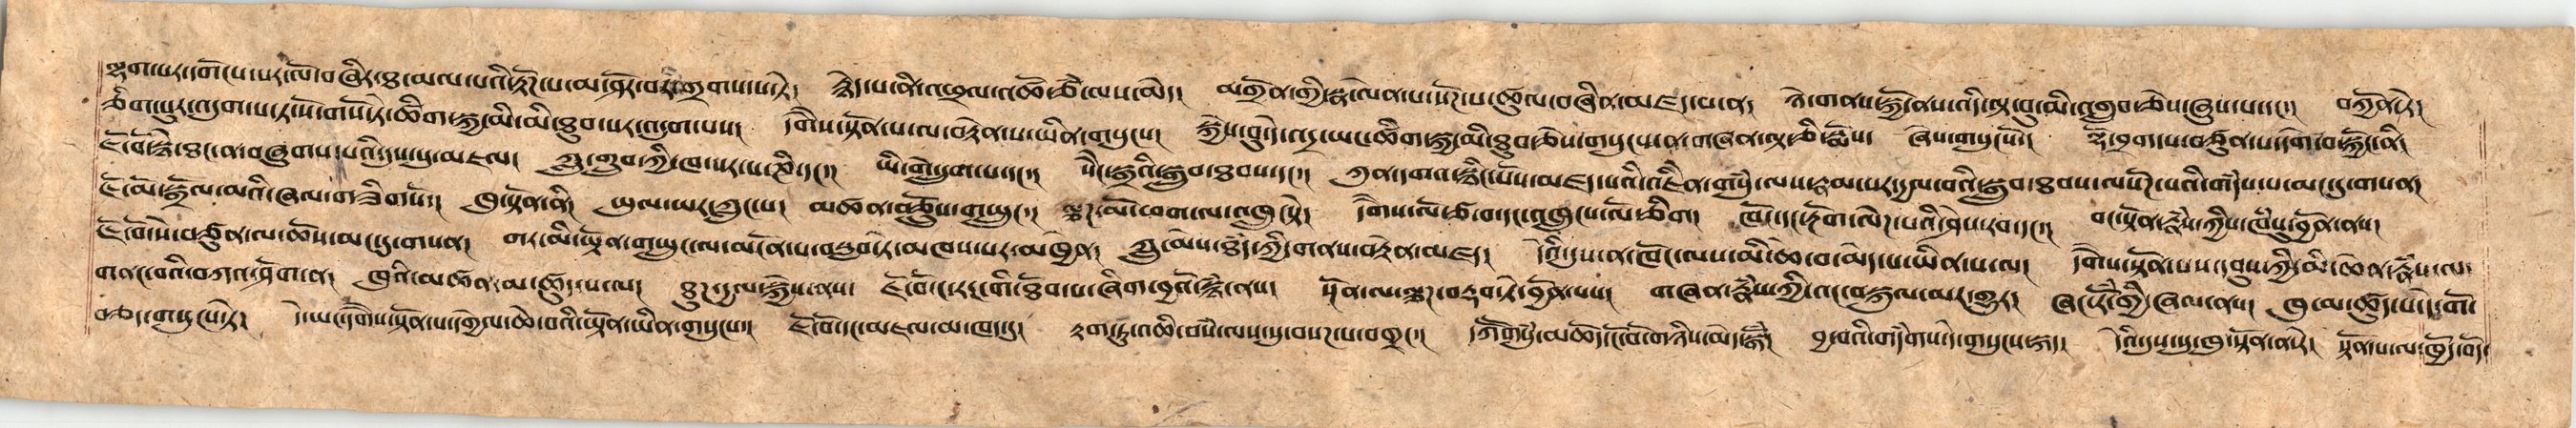ལྷག་པར་དགོངས་པར་ལོ་བཞིར་ཐ་མལ་པའི་རྟོཌ་པ་མ་ཤོར་པར་གྲགས་པ་ཏེ། རྙེད་པ་ནི་འཕྲལ་འཚོ་ཙཾ་ལས་མེད། མགྲོན་གྱི་སྣ་ལེན་པ་སོཌ་པ་ཚུལ་བཞིན་མཛད་པ་ན། ཉེ་གནས་སྐྱོ་ནས་འདི་ལྟ་བུ་མི་འགྲུབ་ཅེས་ཞུས་པ་དང་། བཀྱོན་ཏེ།
ཅིག་པུར་འདུག་པ་ཏ་སོ་གསོ་ཏེ་ཚིག་སྐྱ་མི་མི་ཐུབ་པར་འདུག་པས། དགེཻས་སྟོན་པ་ལ་བརྟེན་པ་ཡིན་གསུངས། སྐྱེས་བུ་དེ་འདྲ་ཡང་ཚིག་སྐྱ་མི་ཐུབ་ཅེས་གསུངས་ན་གཞན་ལྟ་ཅི་སྨོས་ ཞེས་གསུངསོ་། ལྷོ་བྲག་པ་བཙུན་པ་དགེ་བ་སྐྱོང་ནི།
ཇོ་བོ་སྙེ་ཐང་ན་བཞུགས་པའི་དུས་སུ་མཇལ། ཀླུ་གྲུབ་ཀྱི་ཁ་སར་པ་ཎི་དང་། ཡི་གེ་དྲུག་པ་དང་། སེངེ་སྒྲའི་སྒྲུབ་ཐབས་དང་། ཀུན་དགའ་སྙིང་པོས་མཛད་པའིའཇིནེ་གསུཾ་ལས་རྣམ་པར་དྱལ་བའི་སྒྲུབ་ཐབས་ལསོཌ་པའི་གདཾས་པ་མང་དུ་གསན།
ཇོ་མོ་སྒྲོལ་མའི་ཞལ་གཟིགསོ་། ཁུ་སྟོན་ནི། ཡུལ་ཡར་ཀླུང་པ། མཚན་བཅྲོུས་གཡྲུང་། ལྕཌ་མོ་ཕག་ལ་སྐུ་འཁྲུང་སྟེ། དགཻས་ལོ་ཙ་བ་དང་འཁྲུངས་ལོ་གཅིག། ཁོང་དང་རྔོག་ལེཌ་པའི་ཤེས་རབ་དང་། བང་སྟོན་རྣཾས་ཀྱིས་ཁཾསུ་བྱོན་ནས།
ཇོ་བོ་སེ་བཙུན་ལ་ཆོས་མང་དུ་གསན། གར་མི་ཡྟོན་གཡྲུང་ལ་མངོན་པ་བསླབ་ཏེ་མཁས་པར་མཁྱེན། ཀླུ་མེས་ཐཾད་ཀྱི་གནས་བརྟེན་མཛད། དེའི་དུས་ན་ཁོང་ལས་མི་ཆེ་བ་མེད་པ་ཡིན་པ་ལ། དགཻས་སྟོན་པས་དབུས་ཀྱི་མི་ཆེན་རྣཾས་ལ་
གནང་བའི་བཀའ་ཤོག་ན། ཁུའི་མཚན་མ་ཚུད་པ་ལ། ཐུཌ་དྱལ་སྐྱེས་ནས། ཇོ་བོ་ང་རང་གི་ཐོབ་པ་ཞིག་བྱའོ་སྙཾ་ནས། སྔོན་ལ་ལྕཌ་བརྡབ་སྟེ་བྱོན་པས། གཞན་རྣཾས་ཀྱི་འང་བསྐུལ་མར་གྱུར། ཞང་རོཾ་གྱི་ཞལ་ནས། ཁུ་མ་ཚུད་པ་དེ་གོ་
བཅད་གསུངས་ཏེ། དེ་ཡང་དགེཻས་སྟོན་པ་དགྱེལ་ཆེ་བའི་ཡྟོན་ཡིན་གསུངས་། ཇོ་བོ་དང་མཇལ་མ་ཁད་དུ། རྟག་ཏུ་འཆི་བསཾ་ལས་སུ་བསཌ་པ་བགྲང་། དཀོགོསུཾ་མཆོད་ངོ་བོ་གཉིས་མེད་སྒོཾ། བྱ་བའི་གདཾགས་དེ་གསུངས་སྐད། དེའི་དུས་སུ་ཁུ་སྟོན་ན་རེ། སྟོན་པ་ལ་ཁྱོད་བོད་